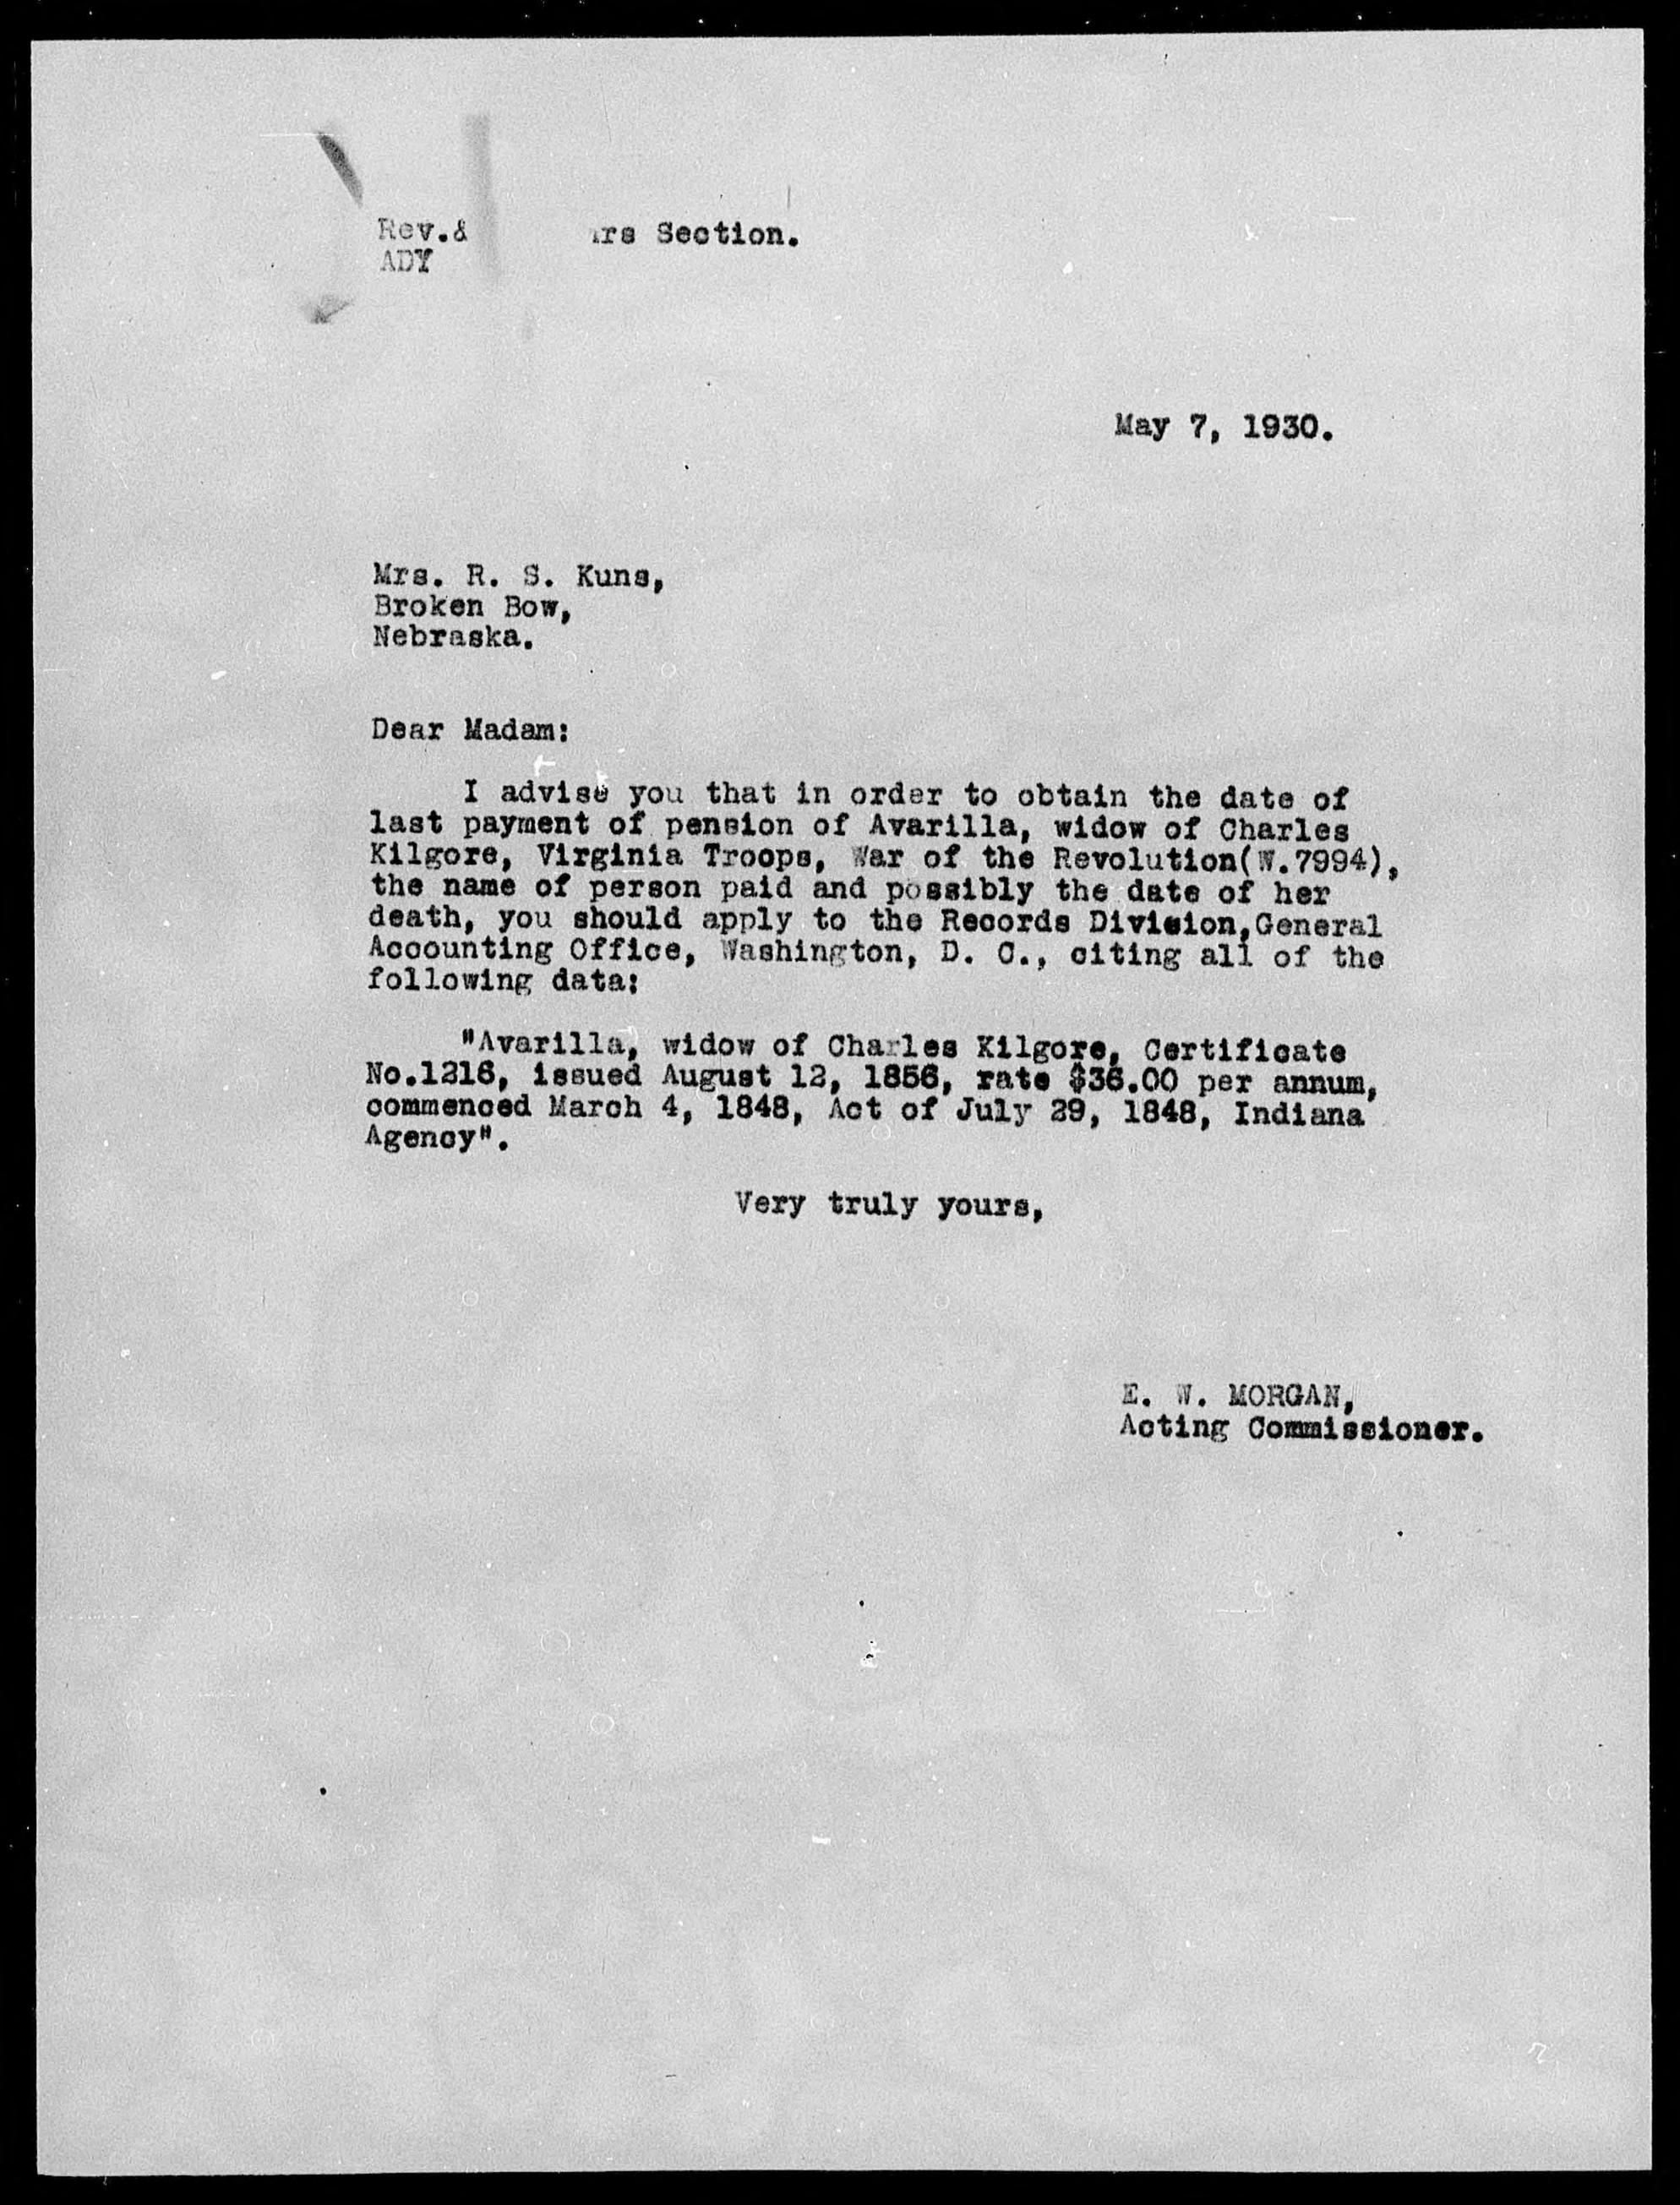Rev.& [text missing] ars Section.
ADY

May 7, 1930

Mrs. R. S. Kuns,
Broken Bow,
Nebraska.

Dear Madam:
I advise you that in order to obtain the date of last payment of pension of Avarilla, widow of Charles Kilgore, Virginia Troops, War of the Revolution(W.7994), the name of person paid and possibly the date of her death, you should apply to the Records Division, General Accounting Office, Washington, D.C., citing all of the following data:
"Avarilla, widow of Charles Kilgore, Certificate No.1216, issued August 12, 1856, rate $36.00 per annum, commenced March 4, 1848, Act of July 29, 1848, Indiana Agency".
Very truly yours,
E. W. MORGAN,
Acting Commissioner.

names: E W Morgan; R S Kuns; Avarilla Kilgore; Charles Kilgore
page: 109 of 115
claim: survivor's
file: S. 699, for Charles Kilgore, Virginia